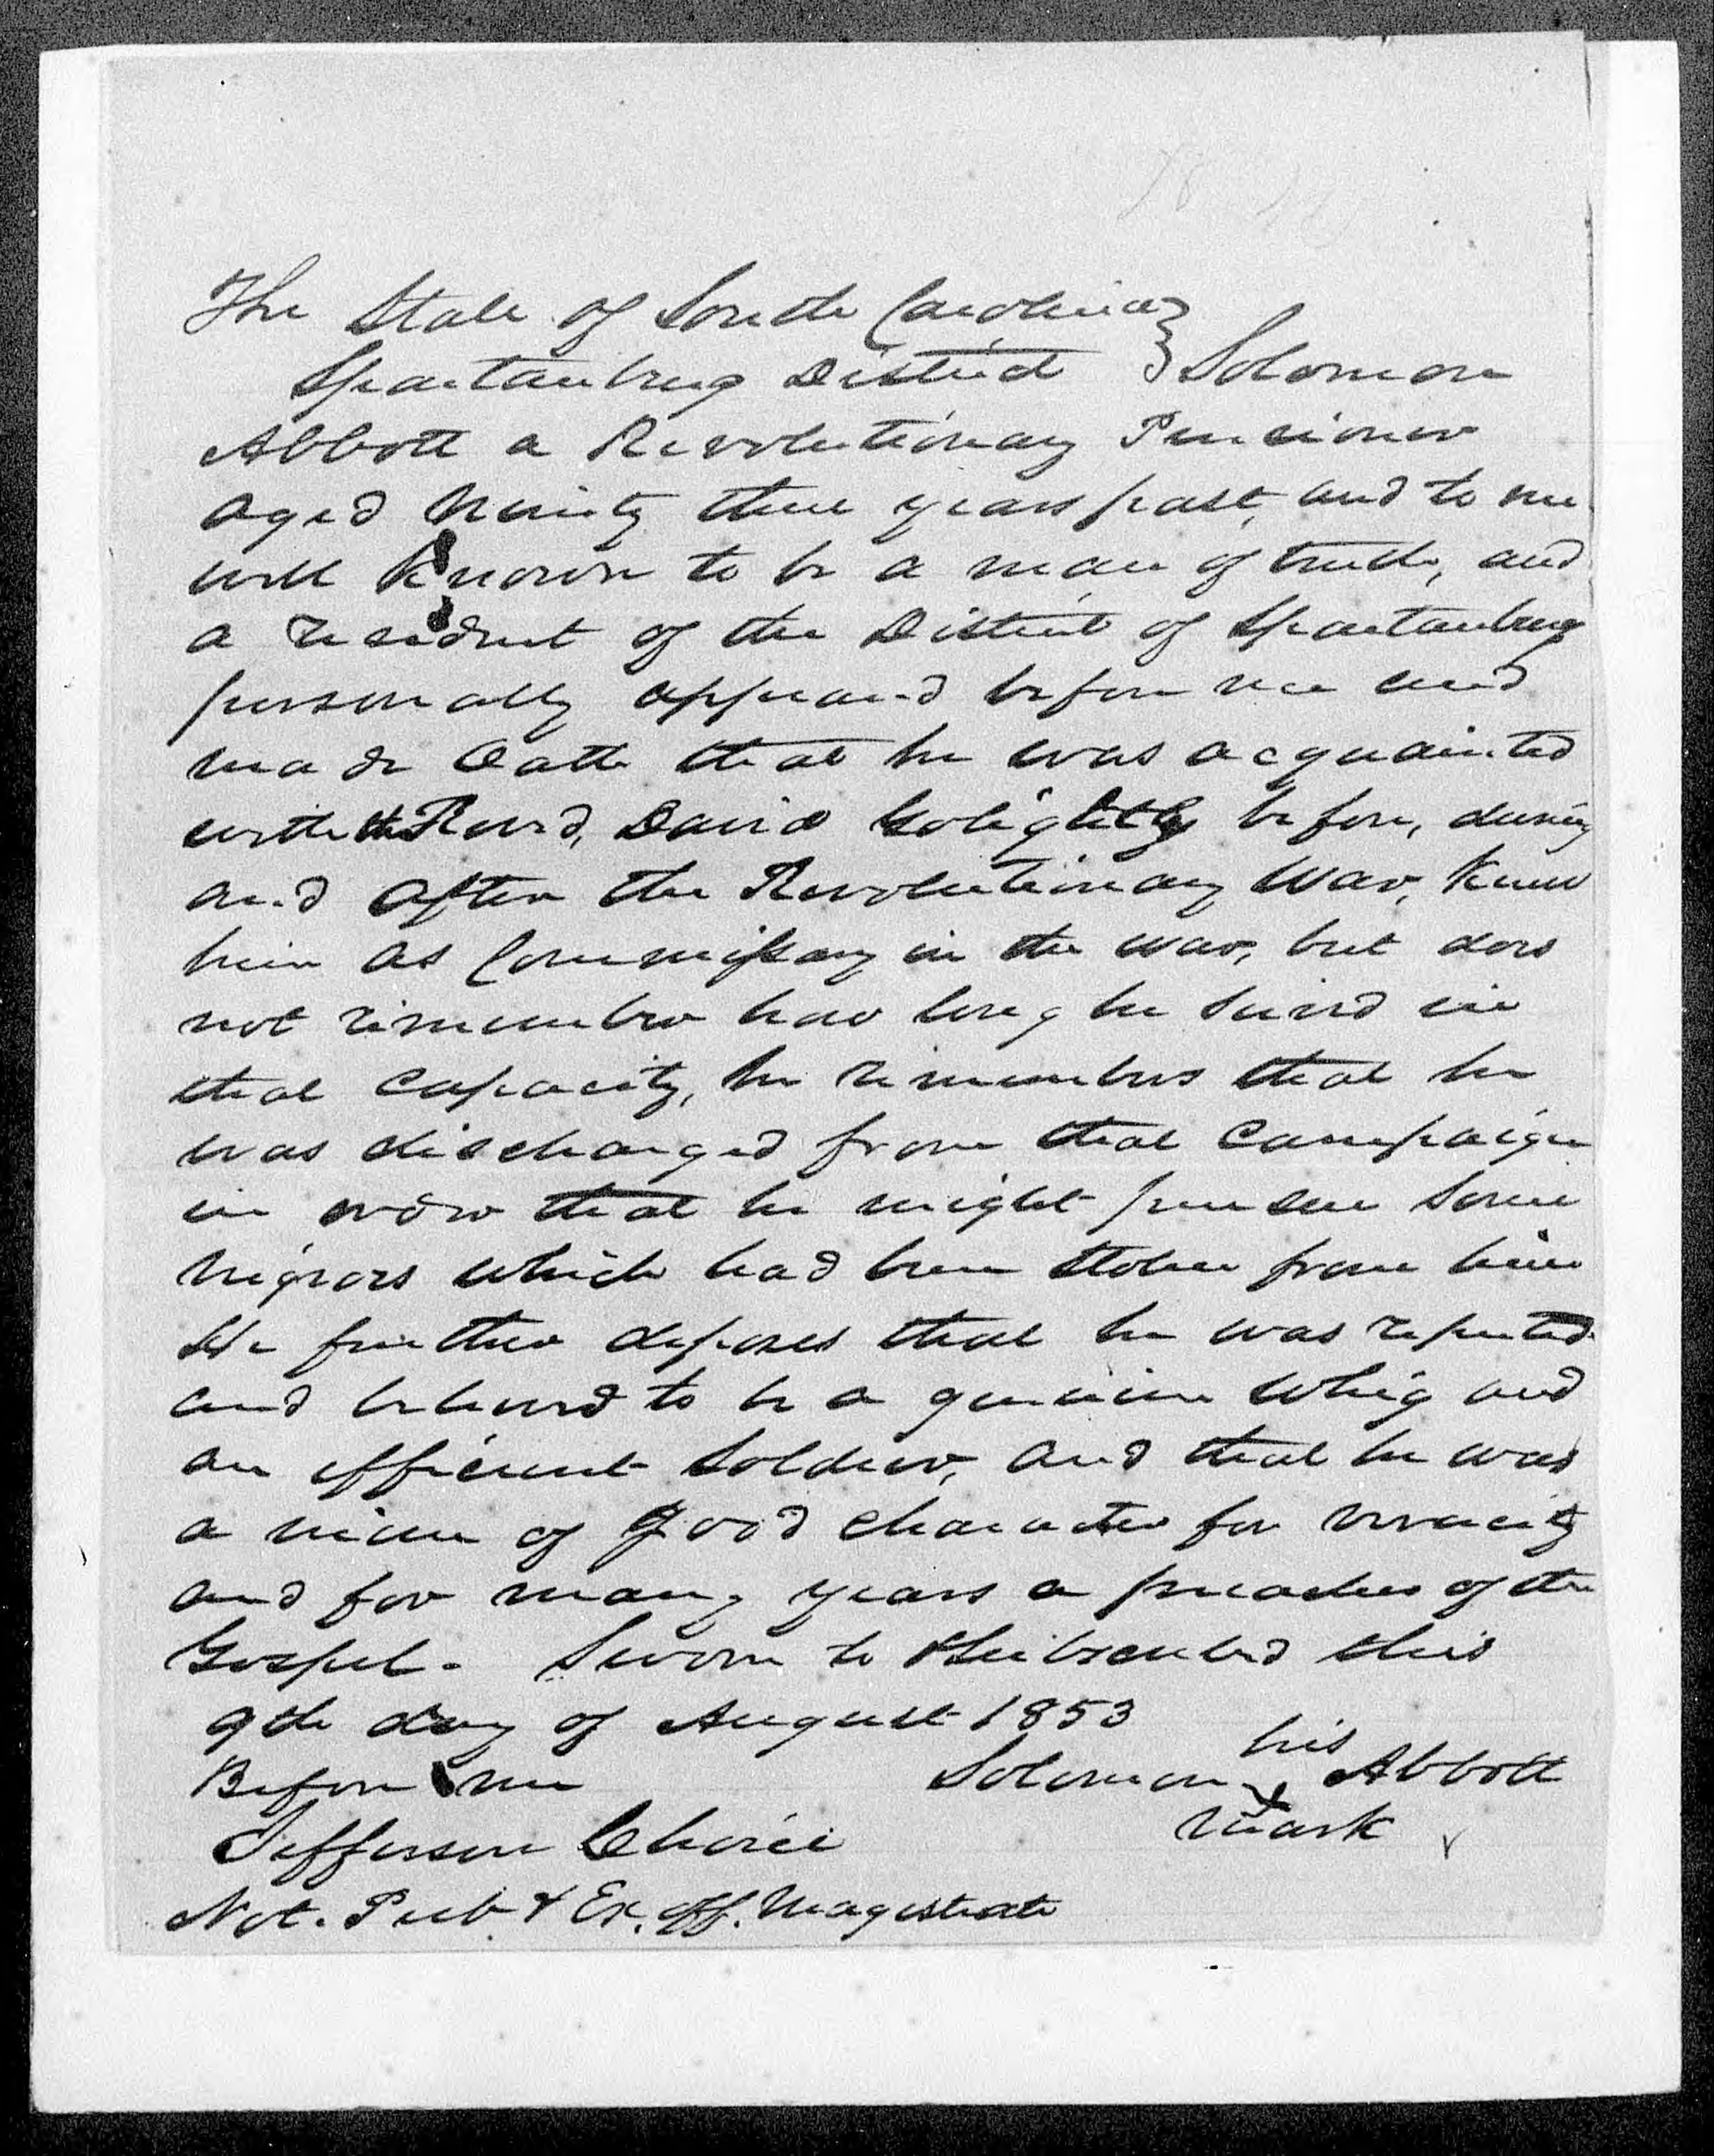The State of South Carolina
Spartanburg District
Solomon
Abbott a Revolutionary Pensioner
aged nenty three years past and to me
well known to be a man of truth, and
a resident of the district of Spartanburg
personally appeared before me and
made oath that he was a acquainted
with the Revd David Golightly before, during
and after the Revolutionary War, knew
him as [illegible] in the war, but does
not remember how long he served in
that capacity, he remembers that he
was discharged from that campaign
in now that he might pursue [illegible]
[illegible] which has been stolen from him
He further deposes that he was reputed
and [illegible] to be a genuine whig and
an efficient soldier and that he was
a [illegible] of good character for veracity
and for many years a preacher of the
Gospel.  Sworn to & subscribed this
9th day of August 1853
Solomon Abbott x his mark
Before me
Jefferson Choice
Not. Pub. & Ex Off. Magistrate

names: David Golightly, Jefferson Choice, Solomon Abbott, Solomon Abbott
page: 33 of 57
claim: survivor's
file: S. 18888, David Golightly, S.C.